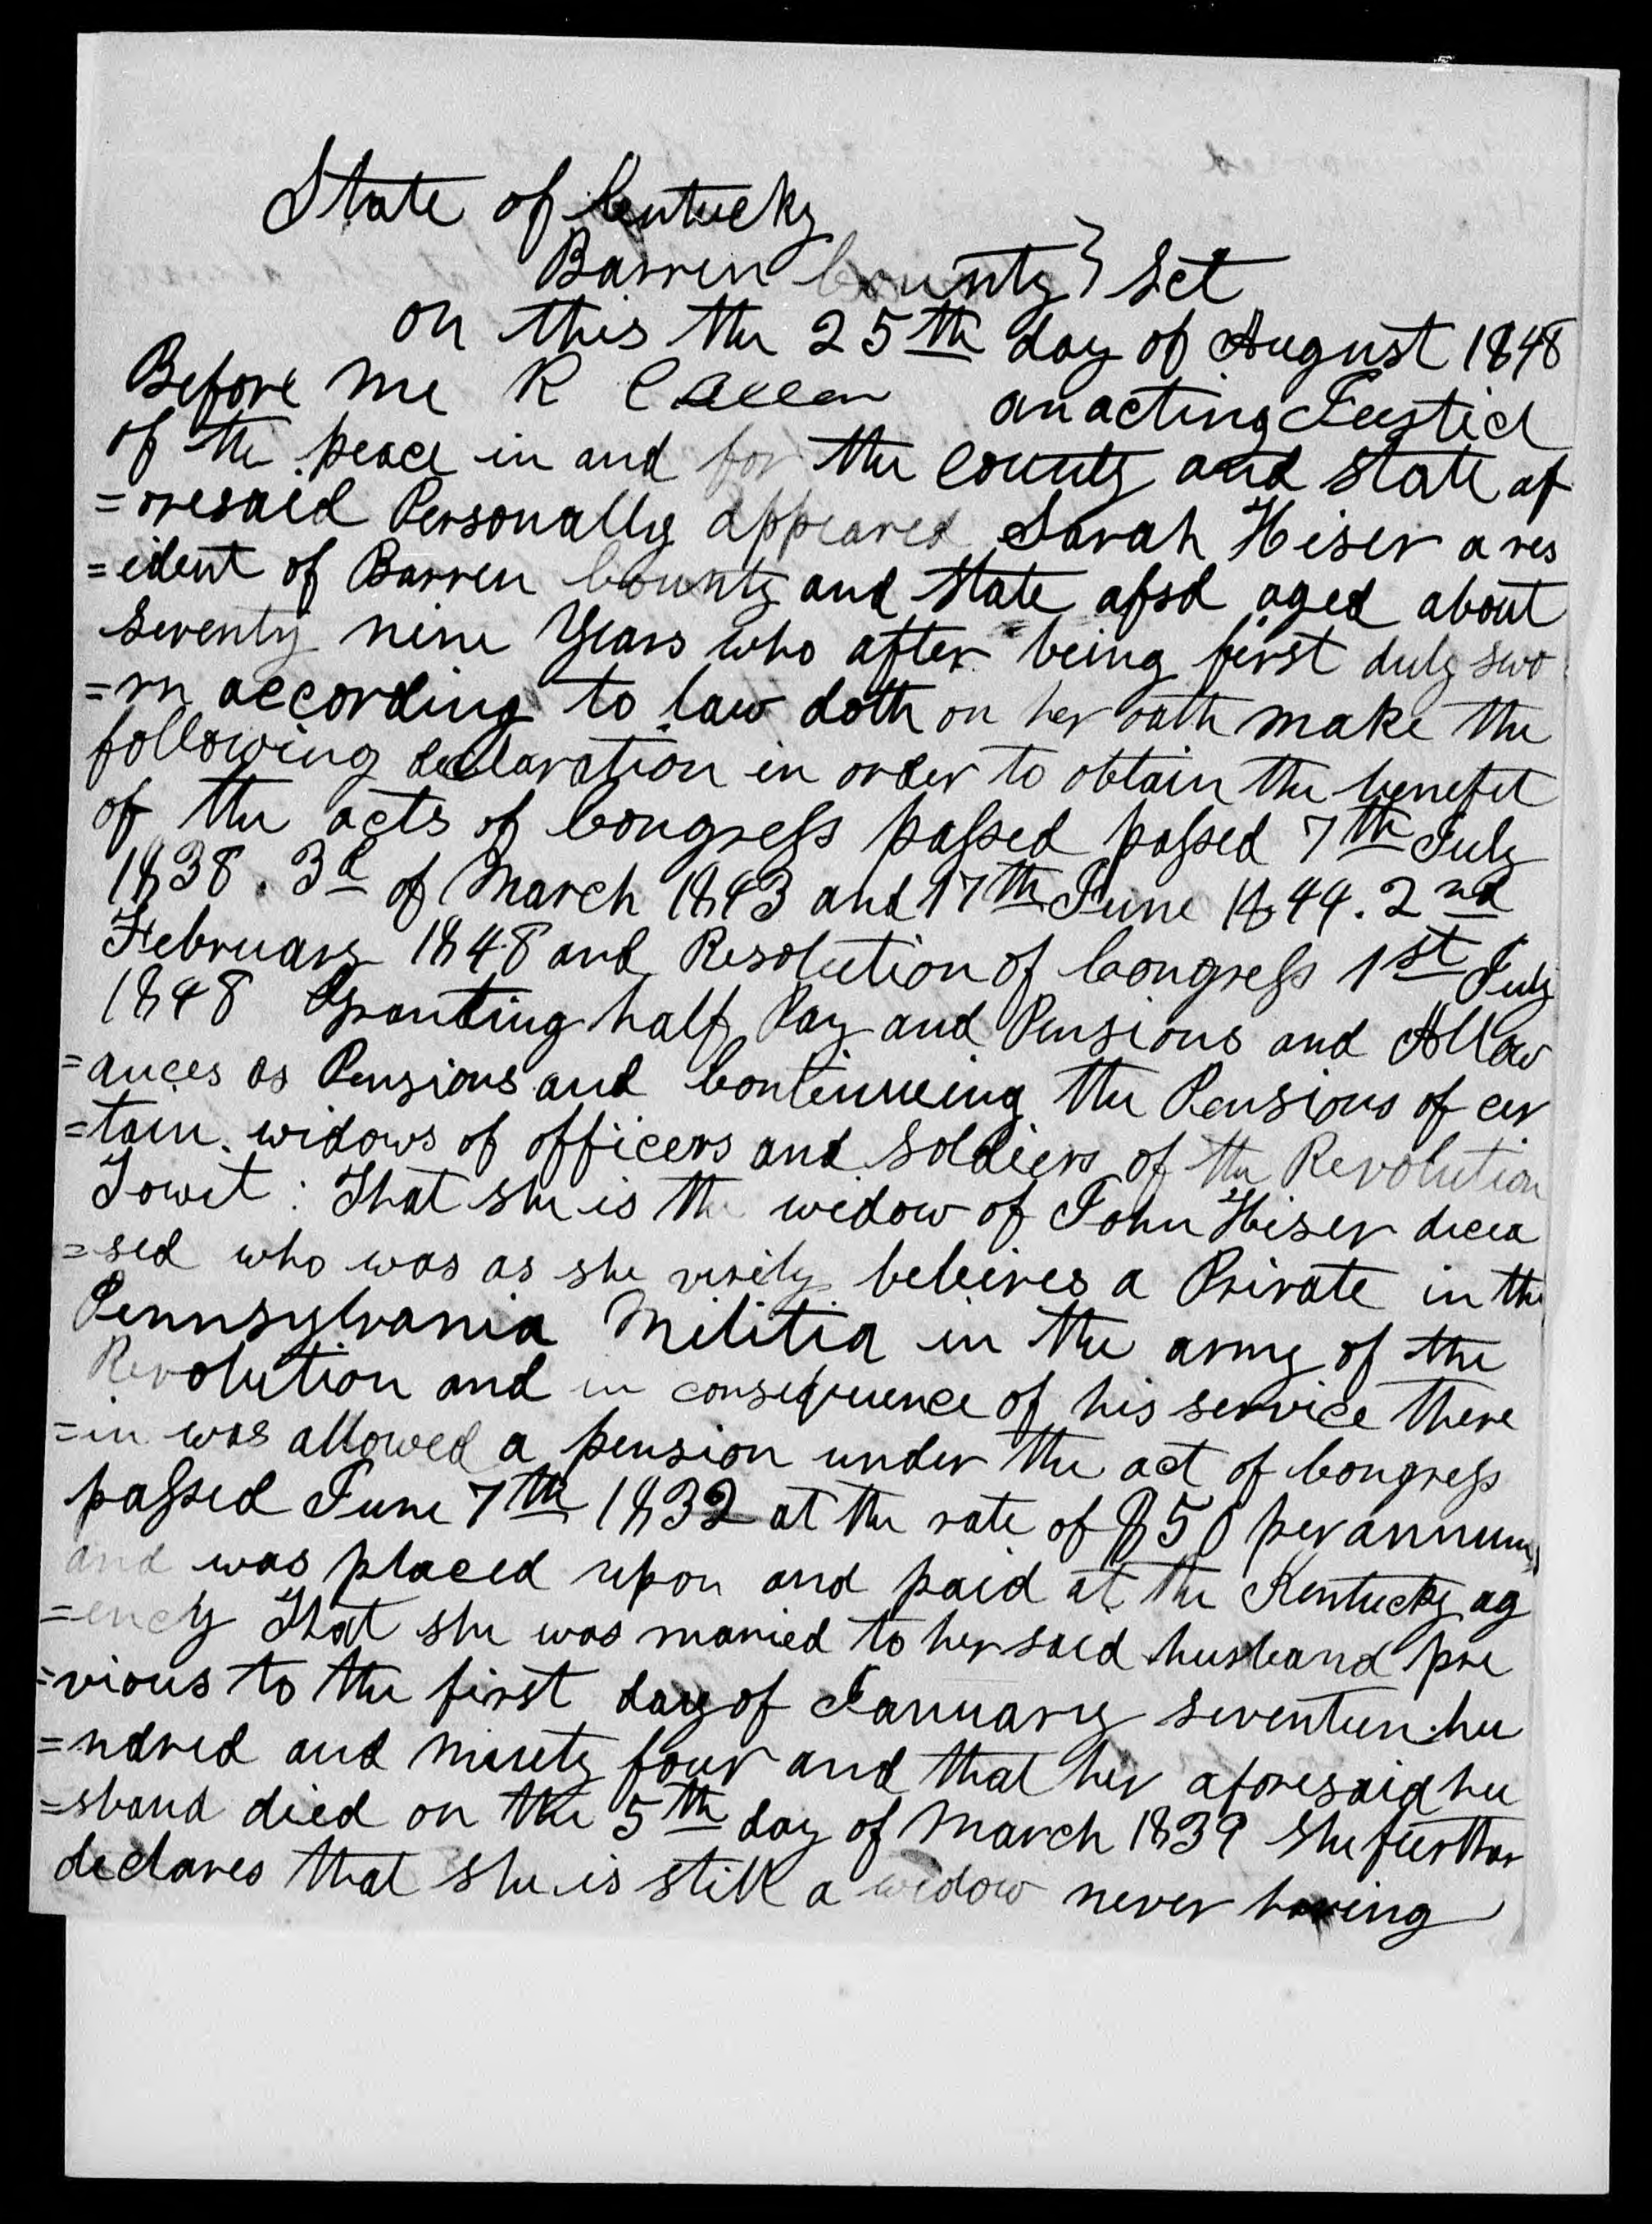State of Kentucky
Barren County} Sct
On this the 25th day of August 1848 Before me R. C. Allen an acting Justice of the peace in and for the county and state aforesaid Personally appeared Sarah Hiser a resident of Barren County and State aforsaid aged about Seventy nine years who after being first duly sworn according to law doth on her oath make the following declaration in order to obtain the benefit of the acts of Congress passed passed 7th July 1838 3rd of March 1843 and 7th June 1844. 2nd February 1848 and Resolution ofCongress 1st July 1848 granting half pay and pensions and Allowances as Pensions and Continuing the Pensions of certain widows of officers and Soldiers of the revolution To wit: That she is the widow of John Hiser deceased who was as she verily believes a Private in the Pennsylvania Militia in the army of the Revolution and in consequence of his service there in was allowed a pension under the act of Congress passed June 7th 1832 at the rate of $50 per annum and was placed upon and paid at the Kentucky agency That she was married to her said husband previous to the first day of January seventeen hundred and ninety four and that her aforesaid husband died on the 5th day of March 1839 She further declares that she is still a widow never having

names: John Hiser, R C Allen, Sarah Hiser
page: 37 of 58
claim: widow's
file: W. 8932, John Hiser, Penn.